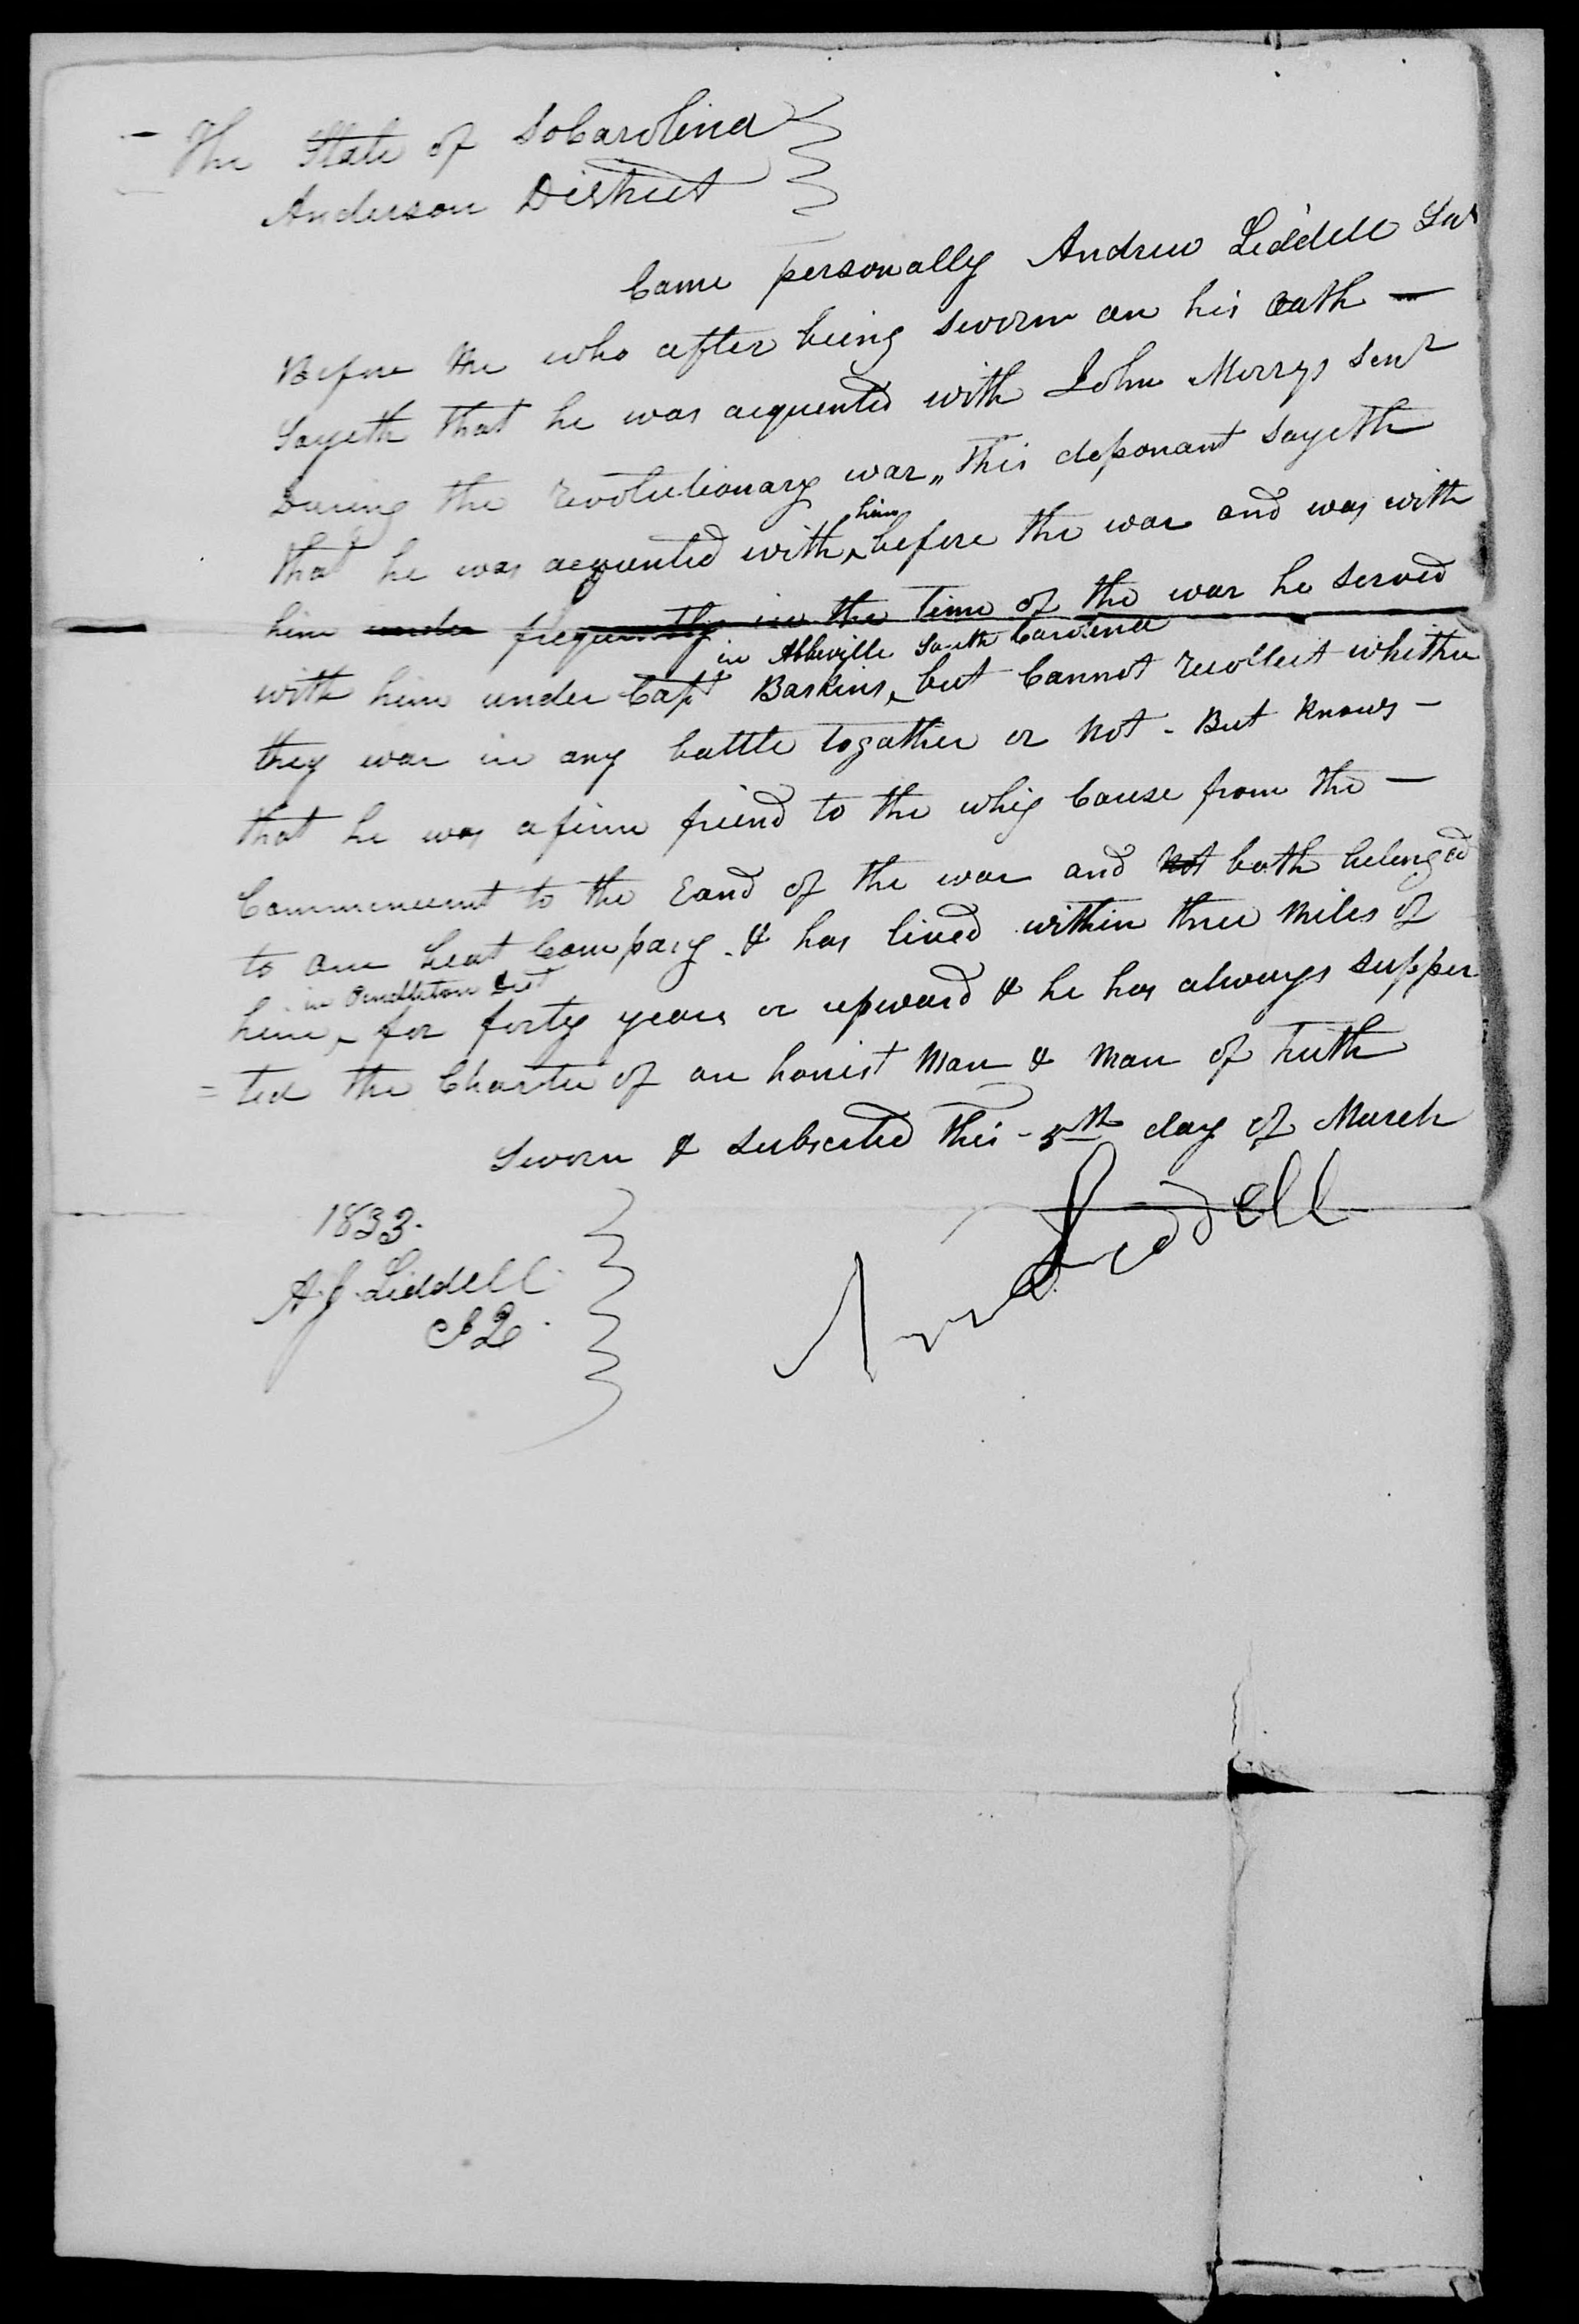The State of So Carolina
Anderson District

Came personally Andrew Liddell Junr Before me who after being sworn on his oath sayeth that he was acquainted with John Morris Senr
During the Revolutionary war, this deponant sayeth that he was acquainted with him before the war and was with him requently in the time of the war he served with him under Capt Baskins in Abbeville South Carolina but cannot recollect whether
they was in any battle together or not. But knows that he was a firm friend to the whig cause from the Commencment to the End of the war and both belonged to one Lieut Company & has lived within three miles of him in Pendleton Dist for forty years or upward & he has always supported the Charter of an honest man & man of truth
s/ Andrew Liddell
Sworn & subscribed this 5th day of March 1833.
 A. J. Liddell
J. Q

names: A J Liddell; John Morrys; [BLANK] Baskins; Andrew Liddell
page: 20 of 20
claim: rejected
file: R. 7407, for John Morriss, South Carolina